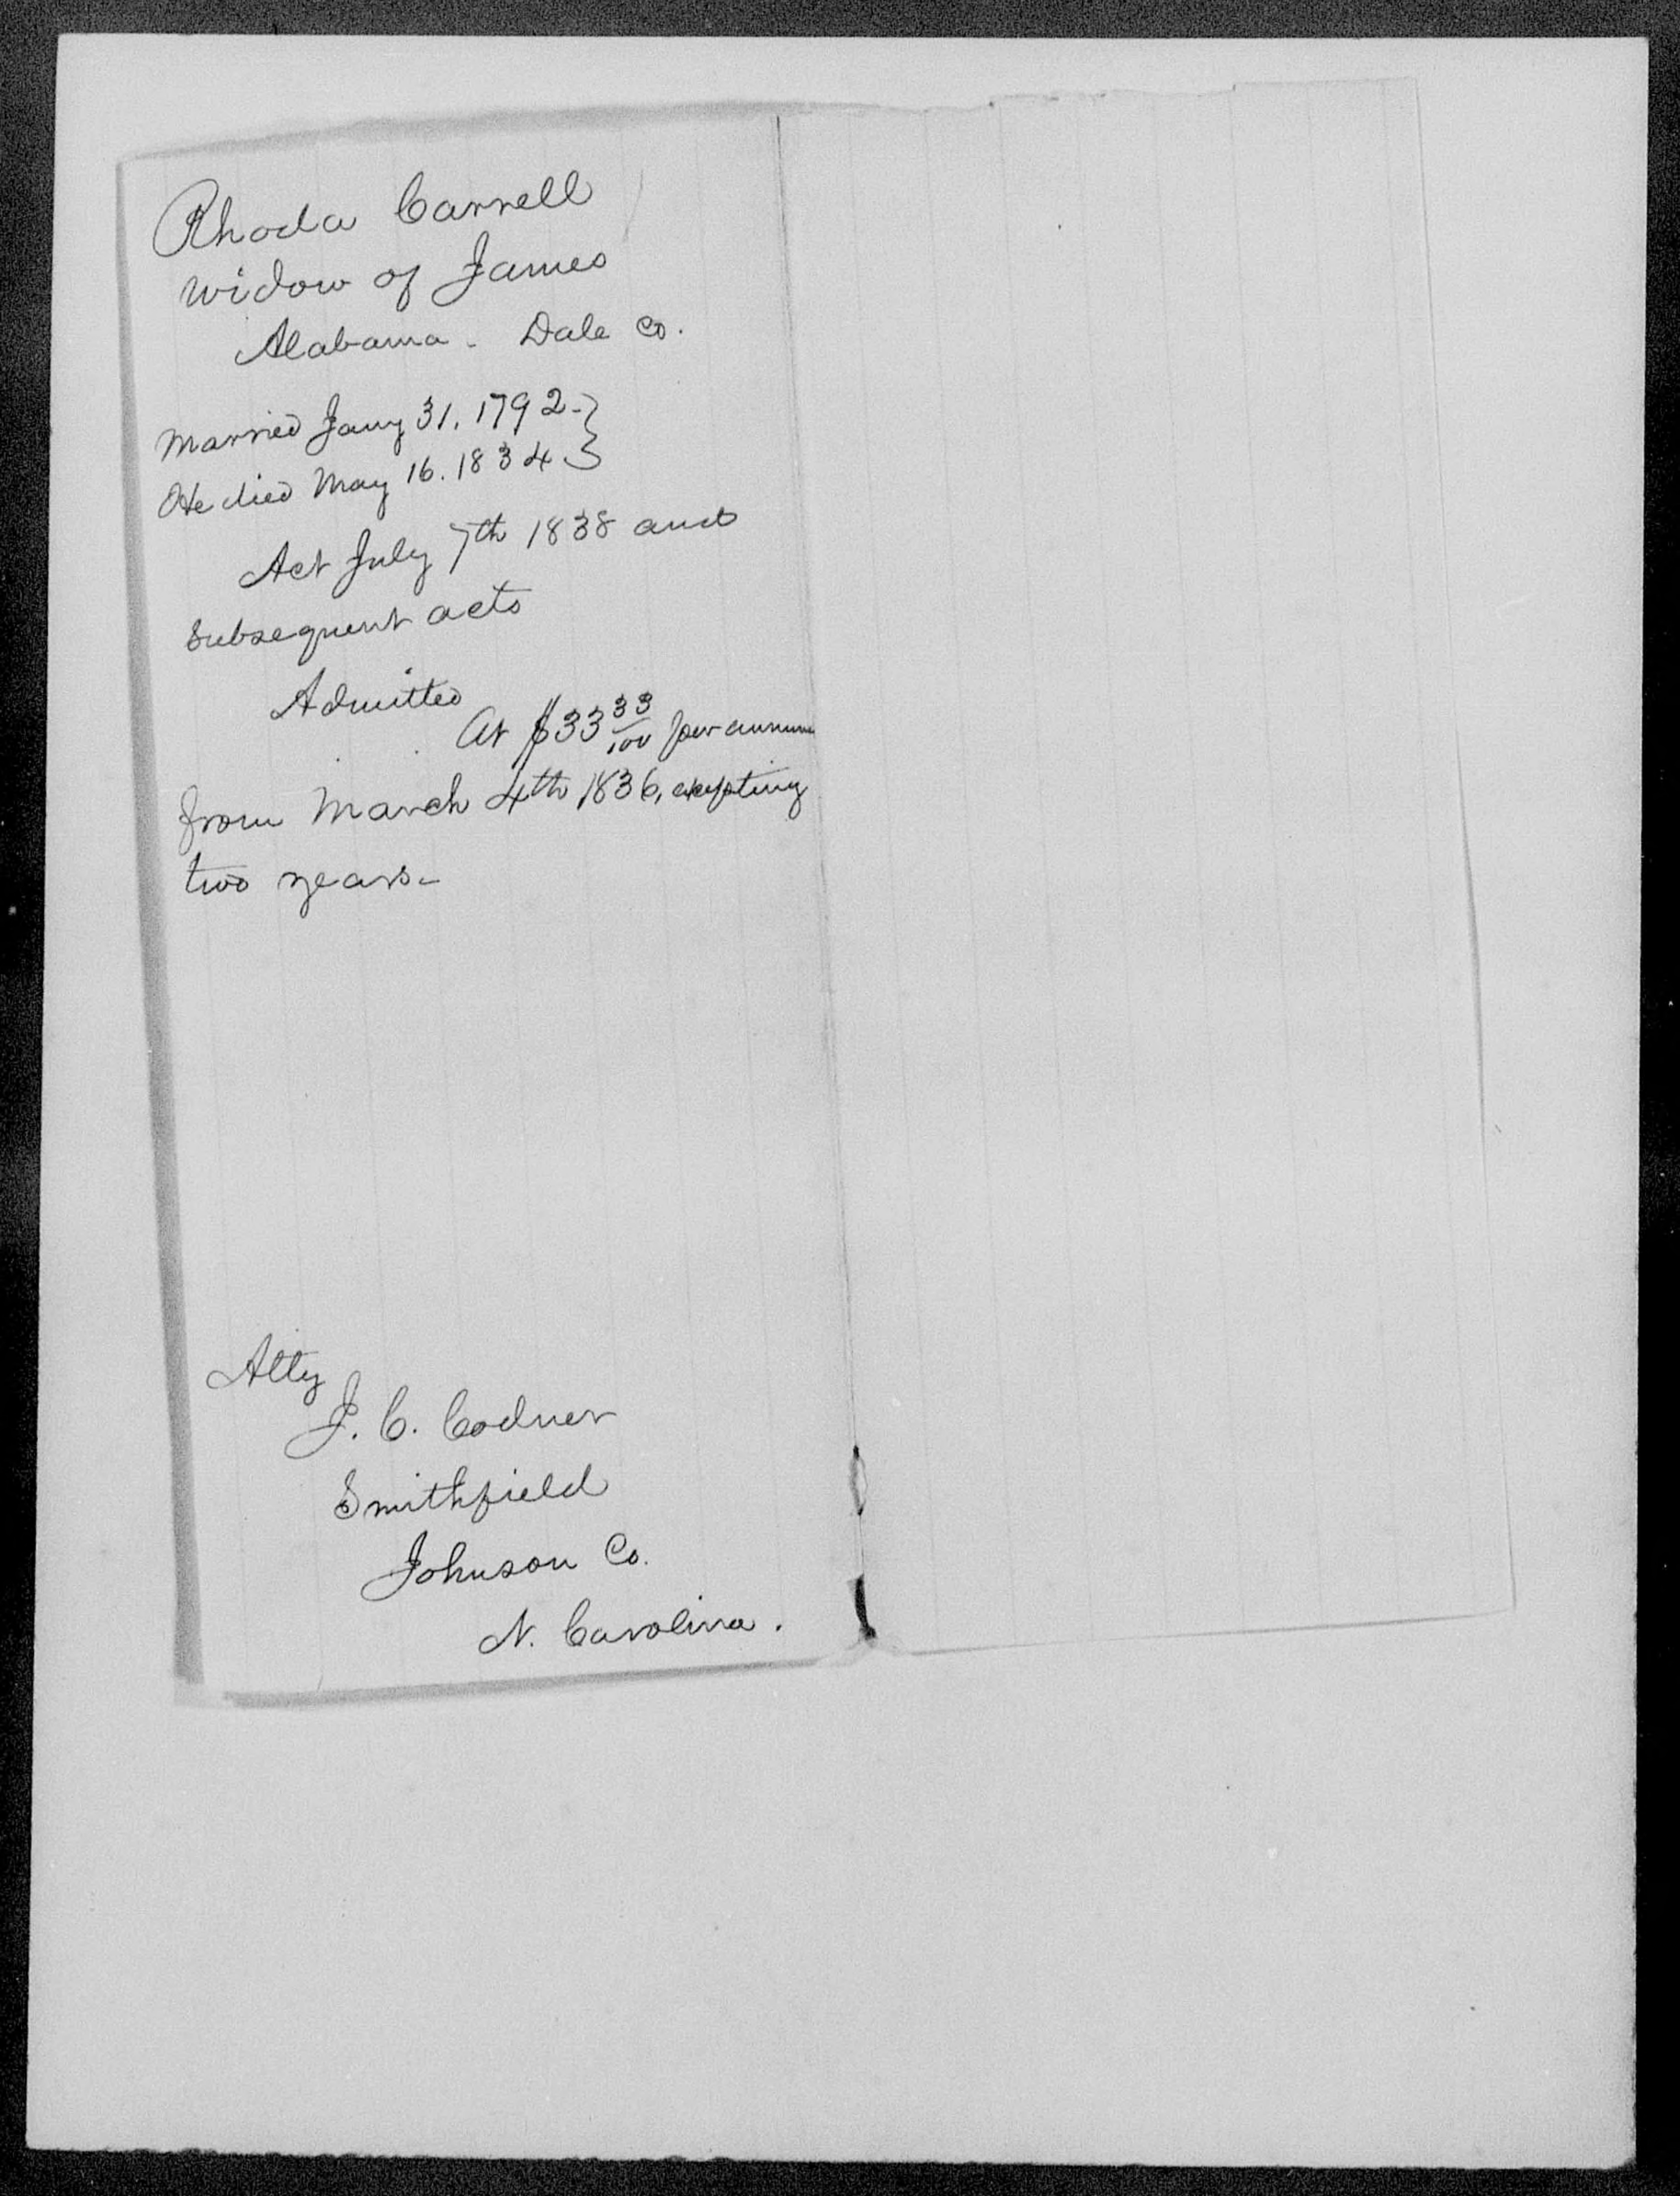Rhoda Carrell
widow of James
Alabama  Dale Co.

Married Jany 31, 1792
He died May 16, 1834  }

Act July 7th 1838 and
subsequent acts

Admitted 
At $33.33/100 per annum
from March 4th 1836, excepting two years


Atty
J.C. Codner
Smithfield
Johnson Co.
N. Carolina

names: Rhoda Carrell, James Carrell, J C Codner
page: 71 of 86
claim: widow's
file: W. 6899, James Carrell, N.C.